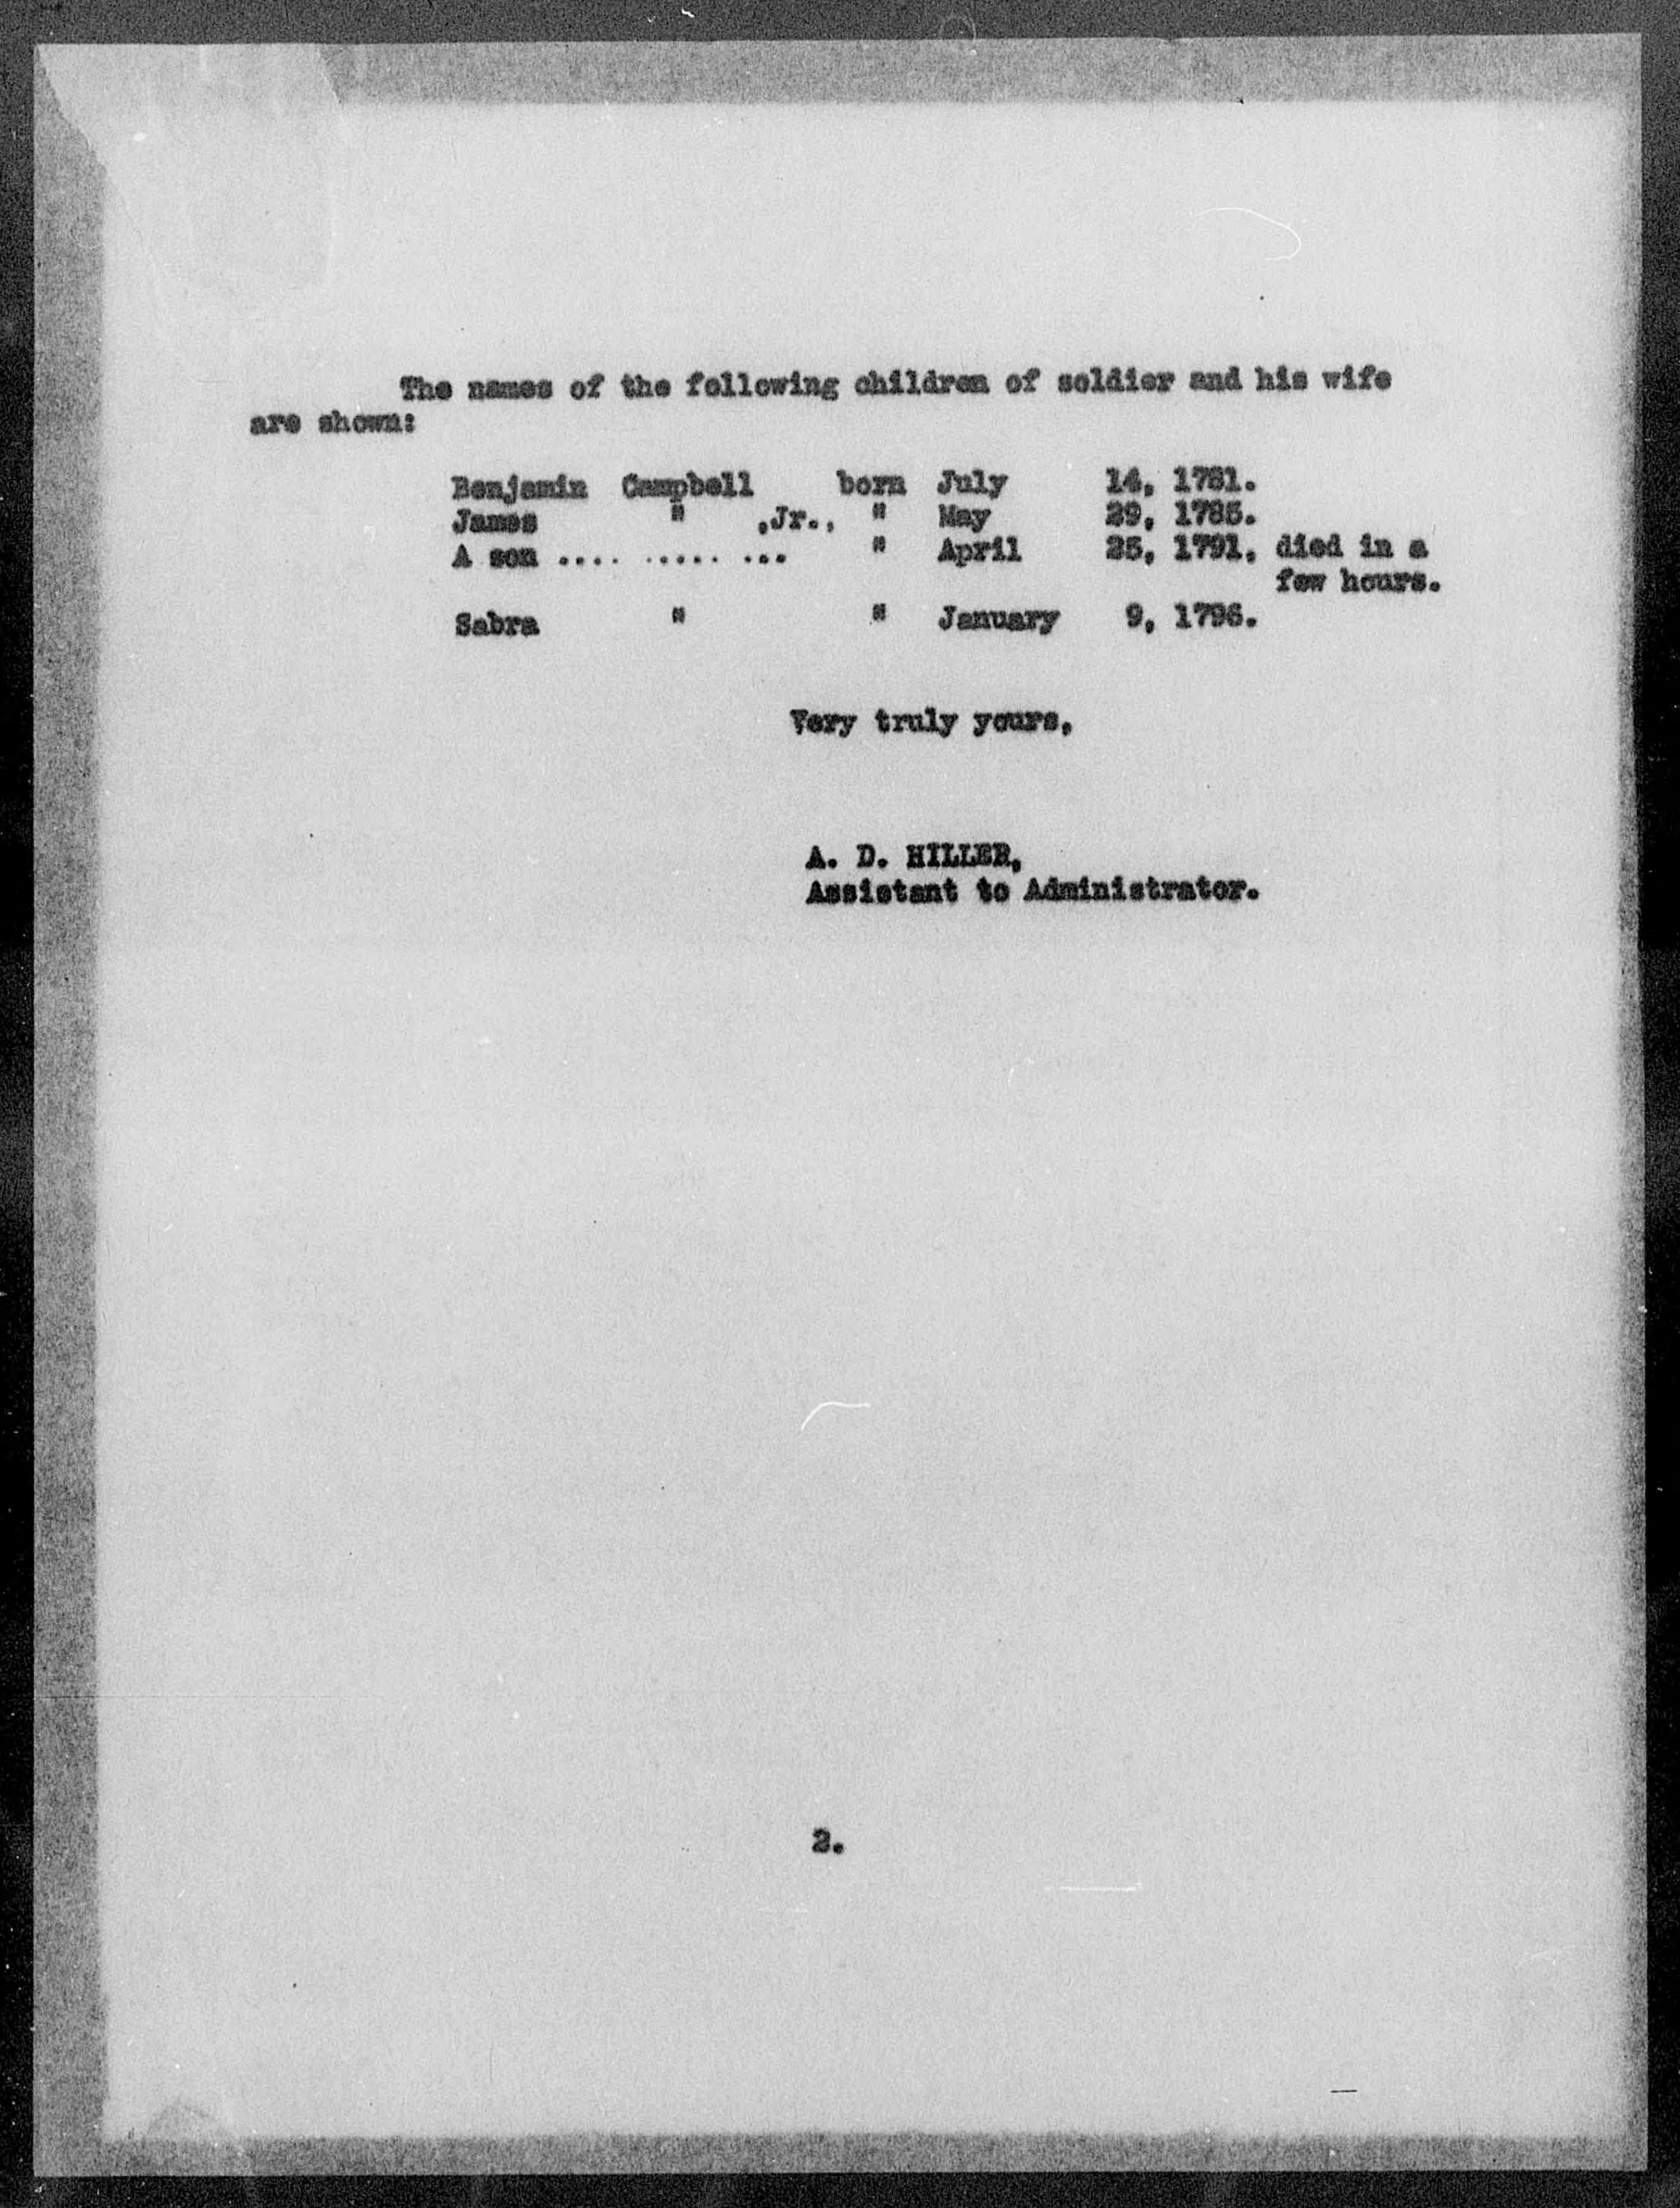The names of the following children of soldier and his wife are shown

Benjamin Campbell born July 14, 1781.
James           "      ,Jr.,  "    May 29, 1785.
A son . . . . . . . . . . .      "    April 25, 1791, died in a               
                                                             few hours.
Sabra            "            "    January 9, 1796.

Very truly yours,

A. D. HILLER,
Assistant to Administrator.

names: A D Hiller, James Campbell, Sabra Campbell, Benjamin Campbell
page: 17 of 67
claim: widow's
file: W. 23772, James Campbell, Continental Mass.